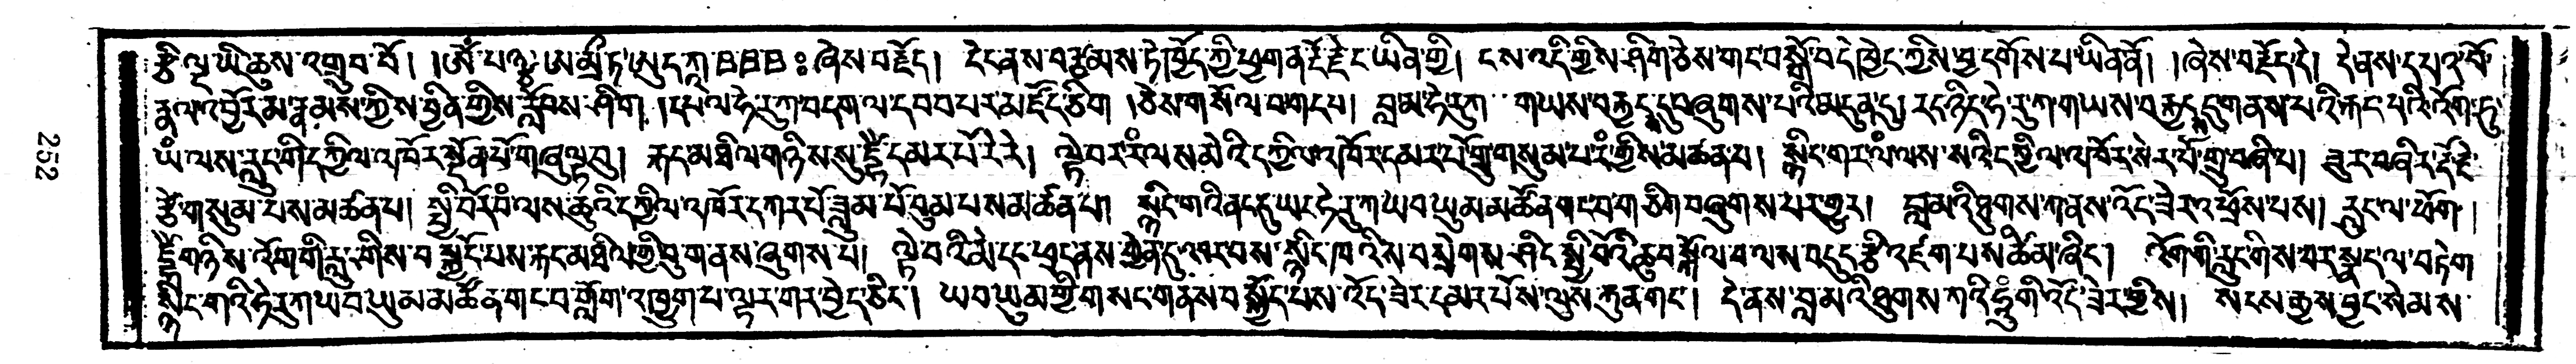རྩི་ལྔ་ཡི་ཆུས་འགྲུབ་བོ། །ཨོཾ་པཉྩ་ཨ་མྲྀ་ཏ་ཨུད་ཀཱ་ཊཿཨ་ཊཿཨ་ཊཿཨཿ ཞེས་བརྗོད། དེང་ནས་བརྩམས་ཏེ་ཁྱོད་ཀྱི་ཕྱག་ན་རྡོ་རྗེ་ང་ཡིན་གྱི། ངས་འདི་གྱིས་ཤིག་ཅེས་གང་བསྒོ་བདེ་ཁྱེད་ཀྱིས་བྱ་དགོས་པ་ཡིན་ནོ། །ཞེས་བརྗོད་དེ། དེ་ནས་དཔའ་བོ་
རྣལ་འབྱོར་མ་རྣམས་ཀྱིས་བྱིན་གྱིས་རློབས་ཤིག །དཔལ་ཧེ་རུ་ཀ་བདག་ལ་དབབ་པར་མཛོད་ཅིག །ཅེས་གསོལ་བ་གདབ། བླ་མ་ཧེ་རུ་ཀ་གཡས་བརྐྱངས་དུ་བཞུགས་པའི་མདུན་དུ། རང་ཉིད་ཧེ་རུ་ཀ་གཡས་བརྐྱངས་དུ་གནས་པའི་རྐང་པའི་འོག་ཏུ་
ཡཾ་ལས་རླུང་གི་དཀྱིལ་འཁོར་སྔོན་པོ་གཞུ་ལྟ་བུ། རྐད་མཐིལ་གཉིས་སུ་ཛྷཻ་དམར་པོ་རེ་རེ། ལྟེ་བར་རཾ་ལས་མེའི་དཀྱིལ་འཁོར་དམར་པོ་གྲུ་གསུམ་པ་རཾ་གྱིས་མཚན་པ། སྙིང་གར་ལཾ་ལས་སའི་དཀྱིལ་འཁོར་སེར་པོ་གྲུ་བཞི་པ། ཟུར་བཞིར་རྡོ་རྗེ་
རྩེ་གསུམ་པས་མཚན་པ། སྤྱི་བོར་བཾ་ལས་ཆུའི་དཀྱིལ་འཁོར་དཀར་པོ་ཟླུམ་པོ་བུམ་པས་མ་ཚན་པ། སྙིང་གའི་ནང་དུ་ཡང་ཧེ་རུ་ཀ་ཡབ་ཡུམ་མཚོན་གང་བ་གཅིག་བཞུགས་པར་གྱུར། བླ་མའི་ཐུགས་ཀ་ནས་འོད་ཟེར་འཕྲོས་པས། རླུང་ལ་ཕོག་
ཛྷཻ་གཉིས་འོག་གི་རླུང་གིས་བསྐྱོད་པས་རྐང་མཐིལ་གྱི་བུ་ག་ནས་ཞུགས་པ། ལྟེ་བའི་མེ་དང་ཕྲད་ནས་གྱེན་དུ་འབར་བས་སྙིང་ཁའི་ས་བསྲེགས་ཤིང་སྤྱི་བོའི་ཆུ་བསྐོལ་བ་ལས་བདུད་རྩི་འཛག་པས་ཚིམ་ཞིང་། འོག་གི་རླུང་གིས་བར་སྣང་ལ་བཏེག་
སྙིང་གའི་ཧེ་རུ་ཀ་ཡབ་ཡུམ་མཚོན་གང་བ་གློག་འཁྱུག་པ་ལྟར་གར་བྱེད་ཅིང་། ཡབ་ཡུམ་གྱི་གསང་གནས་བསྐྱོད་པས་འོད་ཟེར་དམར་པོས་ལུས་རྐུན་གང་། དེ་ནས་བླ་མའི་ཐུགས་ཀའི་ཧཱུཾ་གི་འོད་ཟེར་གྱིས། སངས་རྒྱས་བྱང་སེམས་